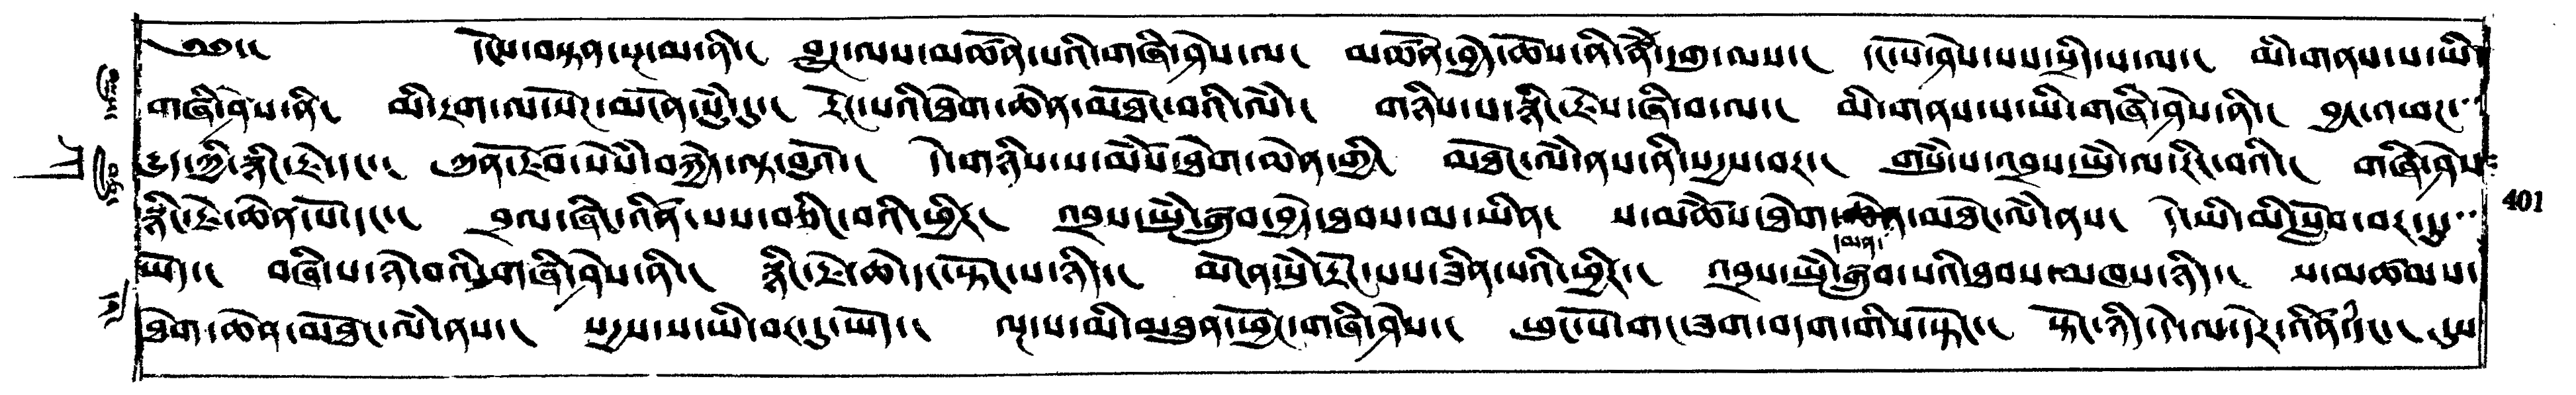དངོས་བསྟན་སྔ་མ་ནི། །ཤུགས་ལས་མཚཽན་པའི་གཞི་ཤེས་ལ། །མཚོན་བྱེད་ཆོས་ནི་རྣམ་དགུ་ལས། །དང་པོ་ཤེས་པས་སྲིད་པ་ལ། །མི་གནས་པ་ཡི་
གཞི་ཤེས་ནི། །མི་རྟག་ལ་སོགས་མངོན་སུམ་དུ། །རྟོགས་པའི་ཐེག་ཆེན་མཐོང་བའི་ལམ། །གཉིས་པ་སྙིང་རྗེས་ཞི་བ་ལ། །མི་གནས་པ་ཡི་གཞི་ཤེས་ནི། །བྱང་འཕགས་
རྒྱུད་ཀྱི་སྙིང་རྗེ་དང་། །ཀུན་རྫོབ་སེམས་བསྐྱེད་ལྟ་བུའོ། །དེ་གཉིས་ས་མཚམས་ཐེག་ཆེན་གྱི། །མཐོང་ལམ་ནས་ནི་སངས་རྒྱས་བར། །གསུམ་པ་འབྲས་ཡུམ་ལ་རིང་བའི། །གཞི་ཤེས་
སྙིང་རྗེ་ཆེན་པོ་དང་། །བྲལ་ཞིང་འཛིན་པས་བཅིངས་བའི་ཕྱིར། །འབྲས་ཡུམ་སྒྲུབ་བྱེད་ཐབས་མ་ཡིན། །ས་མཚམས་ཐེག་དམན་མཐོང་ལམ་ནས། །དེ་ཡི་མི་སློབ་བར་དུ་
ཡོད། །བཞི་པ་ཉེ་བའི་གཞི་ཤེས་ནི། །སྙིང་རྗེ་ཆེ་དང་སྟོང་པ་ཉིད། །མངོན་སུམ་རྟོགས་པས་ཟིན་པའི་ཕྱིར། །འབྲས་ཡུམ་སྒྲུབ་པའི་ཐབས་མཁས་ཉིད། །ས་མཚམས་
ཐེག་ཆེན་མཐོང་ལམ་ནས། །སངས་རྒྱས་ས་ཡི་བར་དུ་ཡོད། །ལྔ་པ་མི་མཐུན་ཕྱོགས་གཞི་ཤེས། །ཕུང་པོ་གང་ཟག་བདག་གིས་སྟོང་། །སྟོང་ཉིད་དེ་ལ་དེར་འཛིན་དང་། །དུས་